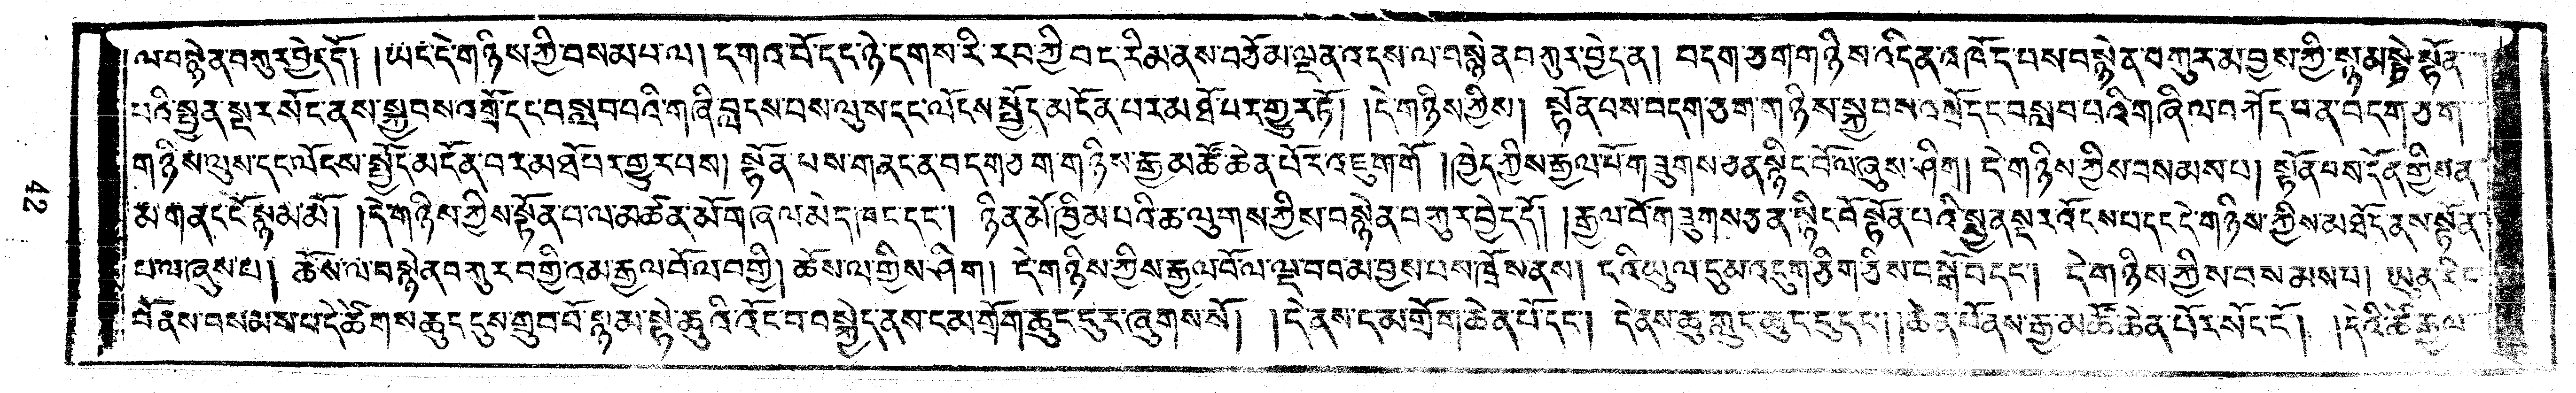ལ་བསྙེན་བཀུར་བྱེད་དོ། །ཡང་དེ་གཉིས་ཀྱི་བསམ་པ་ལ། དགའ་བོ་དང་ཉེ་དགས་རི་རབ་ཀྱི་བང་རིམ་ནས་བཅོམ་ལྡན་འདས་ལ་བསྙེན་བཀུར་བྱེད་ན། བདག་ཅག་གཉིས་འདི་ན་འཁོད་པས་བསྙེན་བཀུར་མ་བྱས་ཀྱི་སྙམ་སྟེ་སྟོན་
པའི་སྤྱན་སྔར་སོང་ནས་སྐྱབས་འགྲོ་དང་བསླབ་པའི་གཞི་བླངས་པས་ལུས་དང་ལོངས་སྤྱོད་མངོན་པར་མཐོ་པར་གྱུར་ཏོ། །དེ་གཉིས་ཀྱིས། སྟོན་པས་བདག་ཅག་གཉིས་སྐྱབས་འགྲོ་དང་བསླབ་པའི་གཞིལ་བཀོད་པ་ན་བདག་ཅག་
གཉིས་ལུས་དང་ལོངས་སྤྱོད་མངོན་པར་མཐོ་པར་གྱུར་པས། སྟོན་པས་གནང་ན་བདག་ཅག་གཉིས་རྒྱ་མཚོ་ཆེན་པོར་འཇུག་གོ །ཁྱེད་ཀྱིས་རྒྱལ་པོ་གཟུགས་ཅན་སྙིང་པོ་ལ་ཞུས་ཤིག །དེ་གཉིས་ཀྱིས་བསམས་པ། སྟོན་པས་དོན་གྱིས་ན་
མ་གནང་ངོ་སྙམ་མོ། །དེ་གཉིས་ཀྱིས་སྟོན་པ་ལ་མཚན་མོ་གཞལ་མེད་ཁང་དང་། ཉིན་མོ་ཁྱིམ་པའི་ཆ་ལུགས་ཀྱིས་བསྙེན་བཀུར་བྱེད་དོ། །རྒྱལ་བོ་གཟུགས་ཅན་སྙིང་པོ་སྟོན་པའི་སྤྱན་སྔར་འོངས་པ་དང་དེ་གཉིས་ཀྱིས་མཐོང་ནས་སྟོན་
པ་ལ་ཞུས་པ། ཆོས་ལ་བསྙེན་བཀུར་བགྱིའམ་རྒྱལ་བོ་ལ་བགྱི། ཆོས་ལ་གྱིས་ཤིག། དེ་གཉིས་ཀྱིས་རྒྱལ་བོ་ལ་ལྡ་བབ་མ་བྱས་པས་ཁྲོས་ནས། ངའི་ཡུལ་དུ་མ་འདུག་ཅིག་ཅིས་བསྒོ་བ་དང་། དེ་གཉིས་ཀྱིས་བསམས་པ། ཡུན་རིང་
བོ་ནས་བསམས་པ་དེ་ཚེགས་ཆུང་དུས་གྲུབ་བོ་སྙམ་སྟེ་ཆུའི་འོང་བ་བསྐྱེད་ནས་ངམ་གྲོག་ཆུང་ངུར་ཞུགས་སོ། །དེ་ནས་དམ་གྲོག་ཆེན་པོ་དང་། དེ་ནས་ཆུ་ཀླུང་ཆུང་ངུ་དང་། །ཆེན་པོ་ནས་རྒྱ་མཚོ་ཆེན་པོར་སོང་ངོ། །དེའི་ཚེ་རྒྱལ་